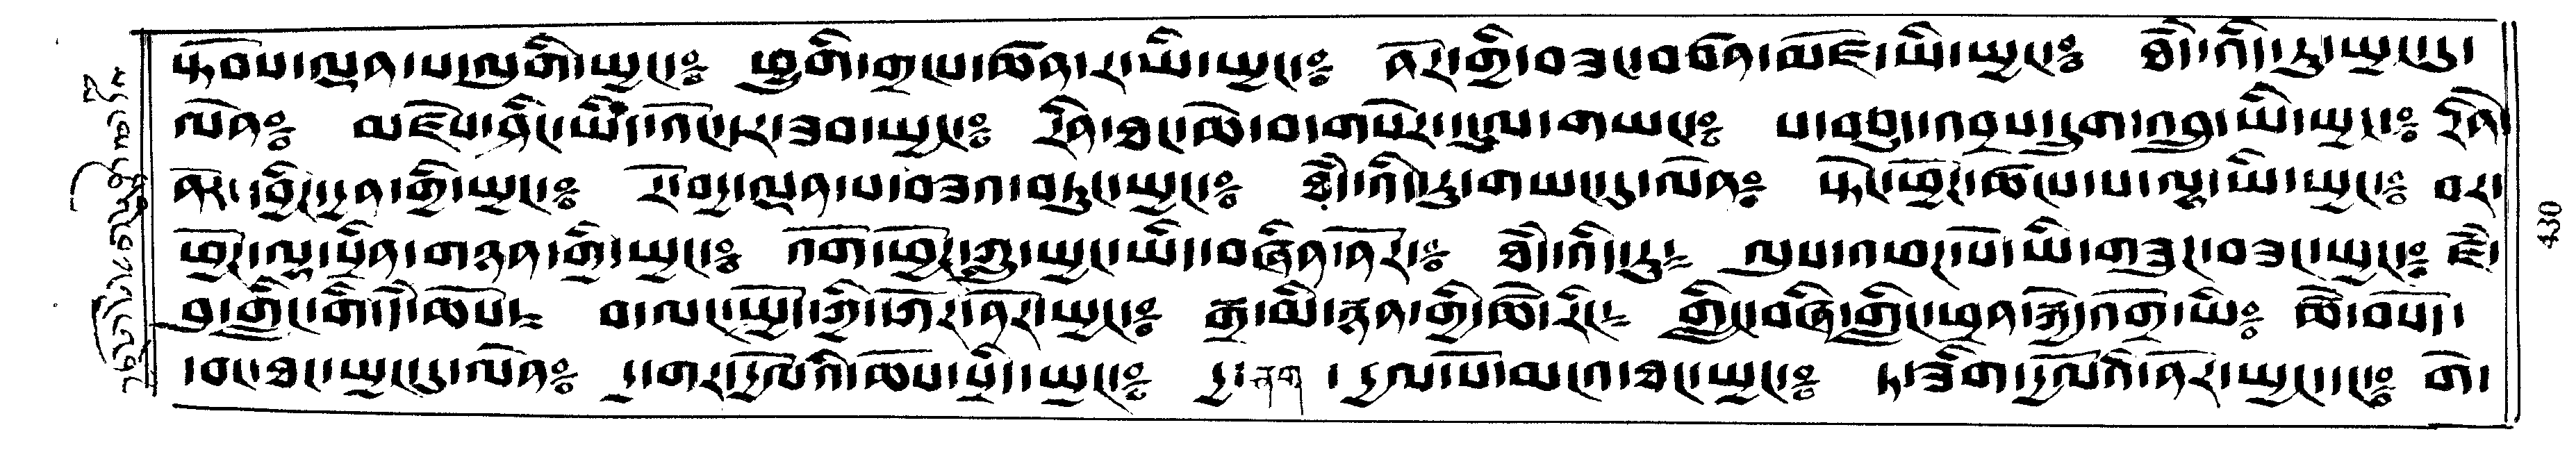སྟོབས་ལྡན་པ་ལུག་གི་གཡང༔ ཕྱུགས་ཀྱི་གྲངས་ཚན་ར་ཡི་གཡང༔ ནོར་གྱི་བཟང་བཙན་མཛོ་ཡི་གཡང༔ ཐམས་ཅད་འདི་རུ་གཡང་དུ་
ལེན༔ མཛེས་ཤིང་ཡིད་འོང་དར་ཟབ་གཡང༔ རིན་ཐང་ཆེ་བ་གསེར་དངུལ་གཡང༔ ས་བཅུད་འབྲས་དྲུག་འབྲུ་ཡི་གཡང༔ རིན་ཆེན་
ནོར་དབྱིག་རྒྱན་གྱི་གཡང༔ རོ་བརྒྱ་ལྡན་པ་བཟའ་བཏུང་གཡང༔ ཐམས་ཅད་འདི་རུ་གཡང་དུ་ལེན༔ སྟེང་ཕྱོགས་ཚངས་པ་ལྷ་ཡི་གཡང༔ བར་
ཕྱོགས་ལྷ་སྲིན་གཉན་གྱི་གཡང༔ འོག་ཕྱོགས་ཀླུ་གཡང་ཡིད་བཞིན་ནོར༔ ཐམས་ཅད་འདི་རུ༴ ལུས་འཕགས་པོ་ཡི་གཟུགས་བཟང་གཡང༔ འཛམ་
བུ་གླིང་གི་དམ་ཆོས༴ བ་ལང་སྤྱོད་ཀྱི་དཀོར་ནོར་གཡང༔ སྒྲ་མི་སྙན་གྱི་ཚེ་རིང༴ གླིང་བཞི་གླིང་ཕྲན་སྐྱེ་འགྲོ་ཡི༔ ཚེ་བསོད་
དབང་ཐང་གཡང་དུ་ལེན༔ རྒྱ་གར་རྒྱལ་པོའི་ཆོས་སྲིད་གཡང༔ རྒྱ་ནག་རྒྱལ་པོའི་མངའ་ཐང་གཡང༔ ཏ་ཟིག་རྒྱལ་པོའི་ནོར་གཡང་དང༔ གེ་